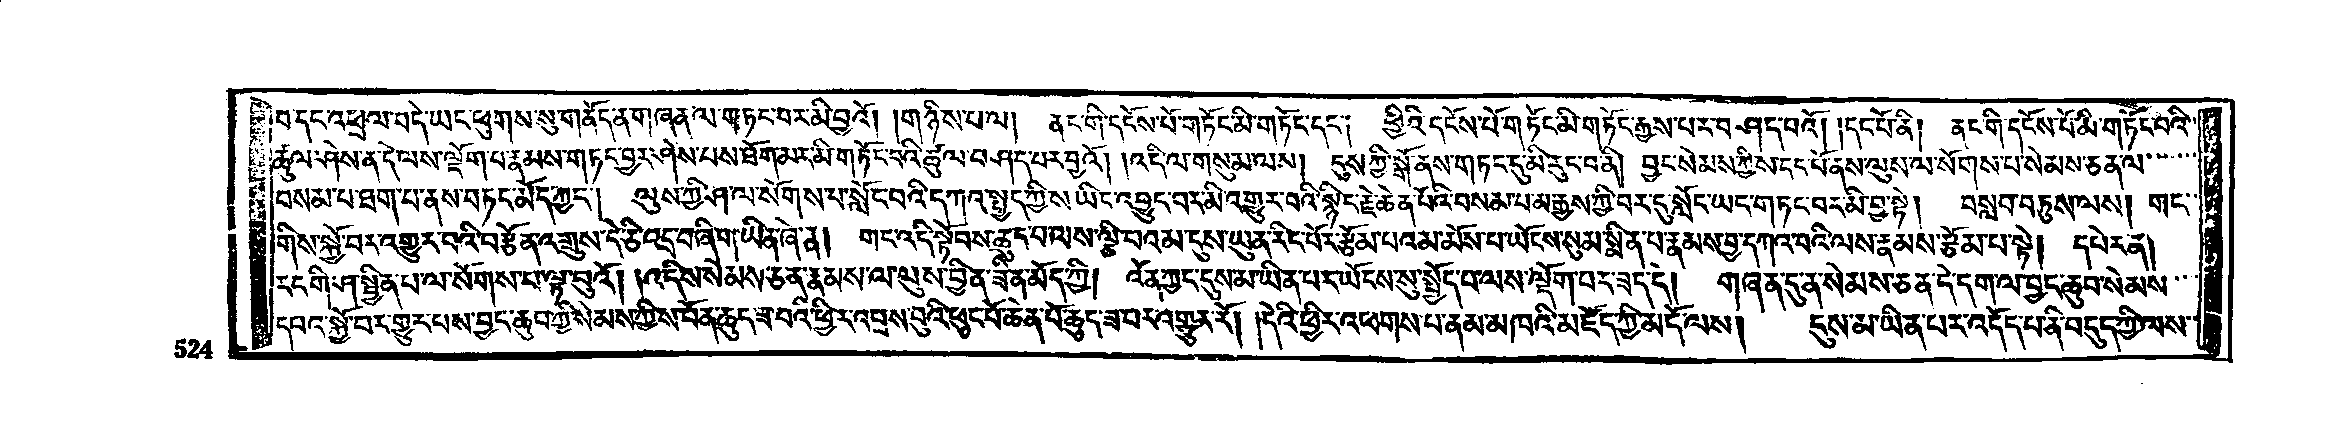བ་དང་འཕྲལ་བདེ་ཡང་ཕུགས་སུ་གནོད་ན་གཞན་ལ་གཏང་བར་མི་བྱའོ། །གཉིས་པ་ལ། ནང་གི་དངོས་པོ་གཏོང་མི་གཏོང་དང་། ཕྱིའི་དངོས་པོ་གཏོང་མི་གཏོང་རྒྱས་པར་བཤད་པའོ། །དང་པོ་ནི། ནང་གི་དངོས་པོ་མི་གཏོང་བའི་
ཚུལ་ཤེས་ན་དེ་ལས་ལྡོག་པ་རྣམས་གཏང་བྱར་ཤེས་པས་ཐོག་མར་མི་གཏོང་བའི་ཚུལ་བཤད་པར་བྱའོ། །འདི་ལ་གསུམ་ལས། དུས་ཀྱི་སྒོ་ནས་གཏང་དུ་མི་རུང་བ་ནི། བྱང་སེམས་ཀྱིས་དང་པོ་ནས་ལུས་ལ་སོགས་པ་སེམས་ཅན་ལ་
བསམ་པ་ཐག་པ་ནས་བཏང་མོད་ཀྱང་། ལུས་ཀྱི་ཤ་ལ་སོགས་པ་སློང་བའི་དཀའ་སྤྱད་ཀྱིས་ཡིད་འབྱུང་བར་མི་འགྱུར་བའི་སྙིང་རྗེ་ཆེན་པོའི་བསམ་པ་མ་རྒྱས་ཀྱི་བར་དུ་སློང་ཡང་གཏང་བར་མི་བྱ་སྟེ། བསླབ་བཏུས་ལས། གང་
གིས་སྐྱོ་བར་འགྱུར་བའི་བརྩོན་འགྲུས་དེ་ཅི་འདྲ་བ་ཞིག་ཡིན་ཞེ་ན། གང་འདི་སྟོབས་ཆུང་བ་ལས་ལྕི་བའམ་དུས་ཡུན་རིང་པོར་རྩོམ་པའམ་མོས་པ་ཡོངས་སུ་མ་སྨིན་པ་རྣམས་བྱ་དཀའ་བའི་ལས་རྣམས་རྩོམ་པ་སྟེ། དཔེར་ན།
རང་གི་ཤ་སྦྱིན་པ་ལ་སོགས་པ་ལྟ་བུའོ། །འདིས་སེམས་ཅན་རྣམས་ལ་ལུས་བྱིན་ཟིན་མོད་ཀྱི། འོན་ཀྱང་དུས་མ་ཡིན་པར་ཡོངས་སུ་སྤྱོད་པ་ལས་ལྡོག་པར་ཟད་དེ། གཞན་དུ་ན་སེམས་ཅན་དེ་དག་ལ་བྱང་ཆུབ་སེམས་
དཔའ་སྐྱོ་བར་གྱུར་པས་བྱང་ཆུབ་ཀྱི་སེམས་ཀྱི་ས་བོན་ཆུད་ཟ་བའི་ཕྱིར་འབྲས་བུའི་ཕུང་པོ་ཆེན་པོ་ཆུད་ཟ་བར་འགྱུར་རོ། །དེའི་ཕྱིར་འཕགས་པ་ནམ་མཁའི་མཛོད་ཀྱི་མདོ་ལས། དུས་མ་ཡིན་པར་འདོད་པ་ནི་བདུད་ཀྱི་ལས་